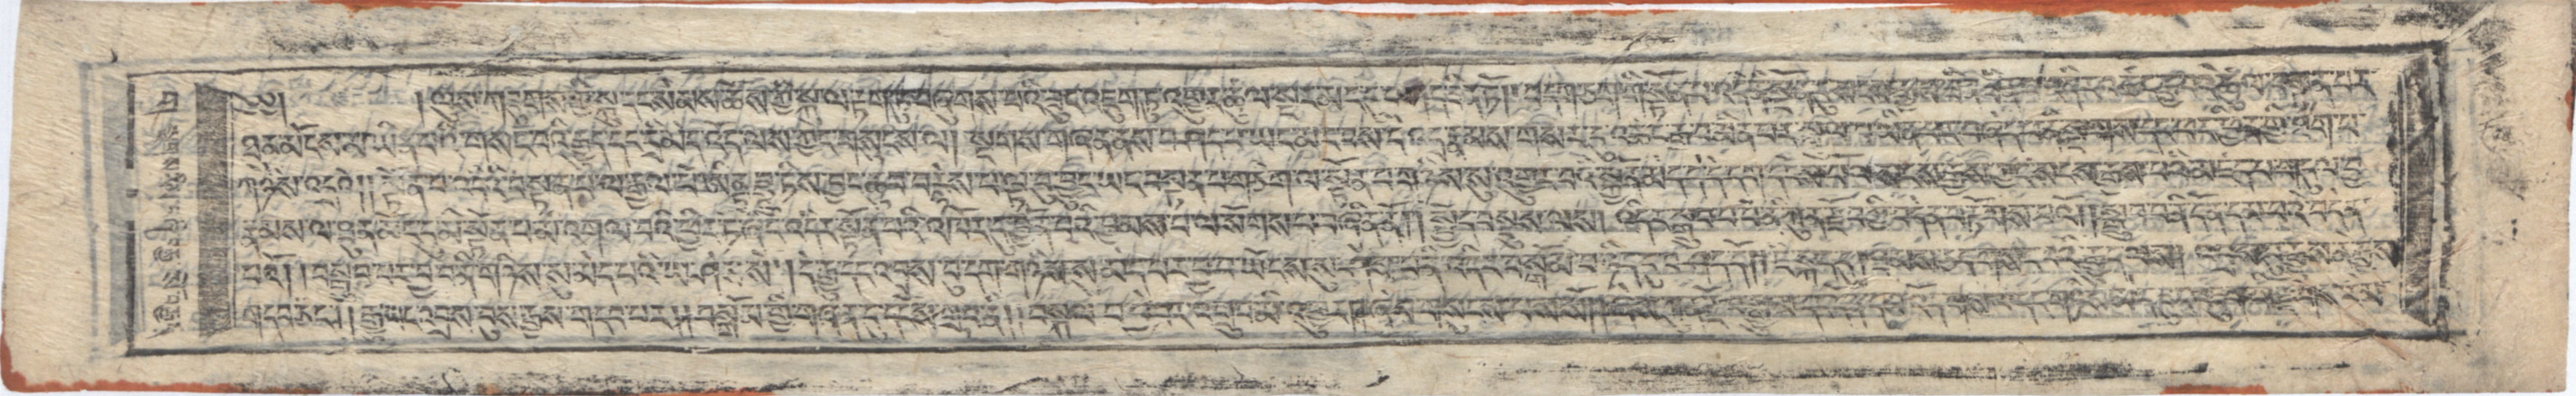༄༅། །ལུས་གཟུགས་ཀྱི་སྐུ་དང་སེམས་ཆོས་ཀྱི་སྐུ་ལ་རྟག་ཏུ་བཞུགས་པའི་ཟུང་འཇུག་ཏུ་འགྱུར་ཚུལ་སྔར་མང་དུ་བཤད་ཟིན་ཏོ། །བདག་ཅག་གི་སྟོན་པ་འདི་ནི་སྔོན་དུ་སངས་རྒྱས་ཟིན་ཟིན་པ་འདིར་འཚང་རྒྱ་བའི་ཚུལ་བསྟན་པར་
ཐུན་མོངས་མ་ཡིན་པའི་གསང་བའི་རྒྱུད་དང་དྲི་མེད་འོད་ལས་ཀྱང་གསུངས་ལ། སྔགས་གཞན་ནས་བཤད་པ་ཡང་མང་བས་དེ་འདྲ་རྣམས་གསར་དུ་འཚང་རྒྱ་བ་མིན་པར་སྤྲུལ་པ་ཡིན་པར་བཞེད་པ་ནི་སྔགས་དང་ཕར་ཕྱིན་གྱི་ཐེག་པ་
གཉིས་འདྲའོ། །སྟོན་པ་འདིའི་བསྟན་པ་ལ་རྒྱལ་པོ་ཨིནྟྲ་བྷཱུ་ཏིས་བྱང་ཆུབ་བརྙེས་པ་ལྟ་བུ་བྱུང་ཡང་བསྟན་པ་གཅིག་ལ་སྟོན་པ་གཉིས་སུ་འགྱུར་བའི་སྐྱོན་མེད་དེ་དེ་དག་དངོས་པོ་ལ་སངས་རྒྱས་ཀྱང་སངས་རྒྱས་པའི་མཛད་པ་གདུལ་བྱ་
རྣམས་ལ་ཐུན་མོང་དུ་མི་སྟོན་པ་མི་འགལ་བའི་ཕྱིར་ཏེ་ཞིང་འདིར་སྟོན་པའི་འཁོར་དུ་བྱོན་པའི་བྱམས་པ་ལ་སོགས་པ་བཞིན་ནོ། །སྤྱོད་བསྡུས་ལས། འདིར་སྒྲུབ་པ་པོ་ནི་ཀུན་རྫོབ་ཀྱི་བདེན་པ་རྟོགས་པའོ། །སྒྲུབ་པ་ནི་དོན་དམ་པའི་བདེན་
པའོ། །བསྒྲུབ་པར་བྱ་བ་ནི་གཉིས་སུ་མེད་པའི་ཡེ་ཤེས་སོ། །དེ་རྒྱུ་དང་འབྲས་བུ་དག་གཉིས་སུ་མེད་པར་བྱ་བ་ཡོངས་སུ་ཤེས་པ་ནི་འདིར་བསྒོམ་པ་ཉིད་དུ་བཤད་དོ། །ཇི་སྐད་དུ། ཐམས་ཅད་གསང་བའི་རྒྱུད་ལས། འབྲས་བུ་རྒྱུས་ནི་རྒྱས་
གདབ་ཅིང་། །རྒྱུ་ཡང་འབྲས་བུས་རྒྱས་གདབ་པར། །བསྒོམ་གྱི་གཞན་དུ་དངོས་གྲུབ་ནི། །བསྐལ་པ་བྱེ་བར་འགྲུབ་མི་འགྱུར། །ཞེས་གསུངས་པས་སོ། །ཞེས་ཀུན་རྫོབ་སྒྱུ་མ་དང་དོན་དམ་འོད་གསལ་དང་གཉིས་མེད་ཟུང་འཇུག་གི་རྫོགས་རིམ་